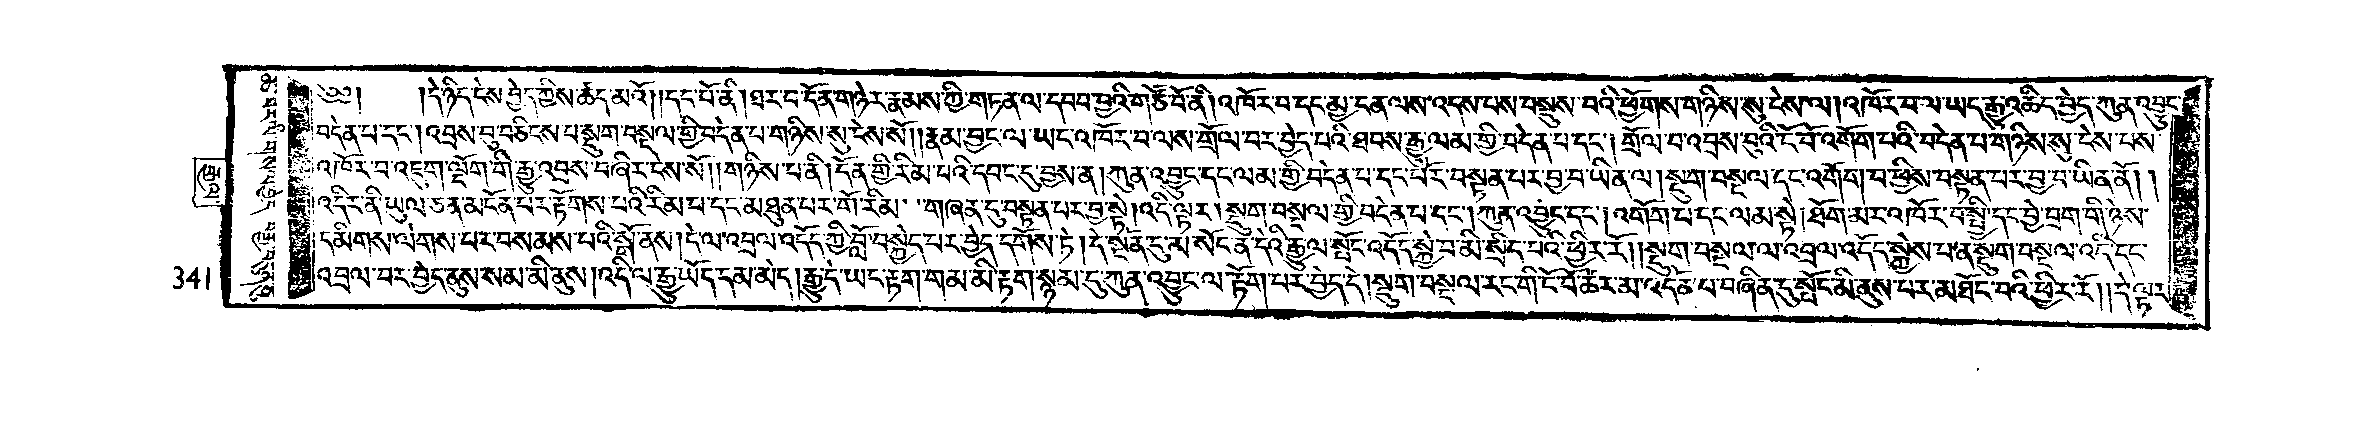༄༅། །དེ་ཉིད་ངེས་བྱེད་ཀྱིས་ཚད་མའོ། །དང་པོ་ནི་།ཐར་པ་དོན་གཉེར་རྣམས་ཀྱི་གཏན་ལ་དབབ་བྱའི་གཙོ་བོ་ནི། འཁོར་བ་དང་མྱ་ངན་ལས་འདས་པས་བསྡུས་པའི་ཕྱོགས་གཉིས་སུ་ངེས་ལ། འཁོར་བ་ལ་ཡང་རྒྱུ་འཆིད་བྱེད་ཀུན་འབྱུང་
བདེན་པ་དང་། འབྲས་བུ་བཅིངས་པ་སྡུག་བསྔལ་གྱི་བདེན་པ་གཉིས་སུ་ངེས་སོ། །རྣམ་བྱང་ལ་ཡང་འཁོར་བ་ལས་གྲོལ་བར་བྱེད་པའི་ཐབས་རྒྱུ་ལམ་གྱི་བདེན་པ་དང་། གྲོལ་བ་འབྲས་བུའི་ངོ་བོ་འགོག་པའི་བདེན་པ་གཉིས་སུ་ངེས་པས་
འཁོར་བ་འཇུག་ལྡོག་གི་རྒྱུ་འབྲས་བཞིར་ངེས་སོ། །གཉིས་པ་ནི། དོན་གྱི་རིམ་པའི་དབང་དུ་བྱས་ན། ཀུན་འབྱུང་དང་ལམ་གྱི་བདེན་པ་དང་པོར་བསྟན་པར་བྱ་བ་ཡིན་ལ། སྡུག་བསྔལ་དང་འགོག་པ་ཕྱིས་བསྟན་པར་བྱ་བ་ཡིན་ནོ། །
འདིར་ནི་ཡུལ་ཅན་མངོན་པར་རྟོགས་པའི་རིམ་པ་དང་མཐུན་པར་གོ་རིམ་གཞན་དུ་བསྟན་པར་བྱ་སྟེ། འདི་ལྟར། སྡུག་བསྔལ་གྱི་བདེན་པ་དང་། ཀུན་འབྱུང་དང་། འགོག་པ་དང་ལམ་སྟེ། ཐོག་མར་འཁོར་བ་སྤྱི་དང་བྱེ་བྲག་གི་ཉེས་
དམིགས་ལེགས་པར་བསམས་པའི་སྒོ་ནས། དེ་ལ་འབྲལ་འདོད་ཀྱི་བློ་བསྐྱེད་པར་བྱེད་དགོས་ཏེ། དེ་སྔོན་དུ་མ་སོང་ན་དེའི་རྒྱུ་ལ་སྤོང་འདོད་སྐྱེ་བ་མི་སྲིད་པའི་ཕྱིར་རོ། །སྡུག་བསྔལ་ལ་འབྲལ་འདོད་སྐྱེས་པ་ན་སྡུག་བསྔལ་འདི་དང་
འབྲལ་བར་བྱེད་ནུས་སམ་མི་ནུས། འདི་ལ་རྒྱུ་ཡོད་དམ་མེད། རྒྱུ་དེ་ཡང་རྟག་གམ་མི་རྟག་སྙམ་དུ་ཀུན་འབྱུང་ལ་རྟོག་པར་བྱེད་དེ། སྡུག་བསྔལ་རང་གི་ངོ་བོ་ཚེར་མ་འདོན་པ་བཞིན་དུ་སྤོང་མི་ནུས་པར་མཐོང་བའི་ཕྱིར་རོ། །དེ་ལྟར་